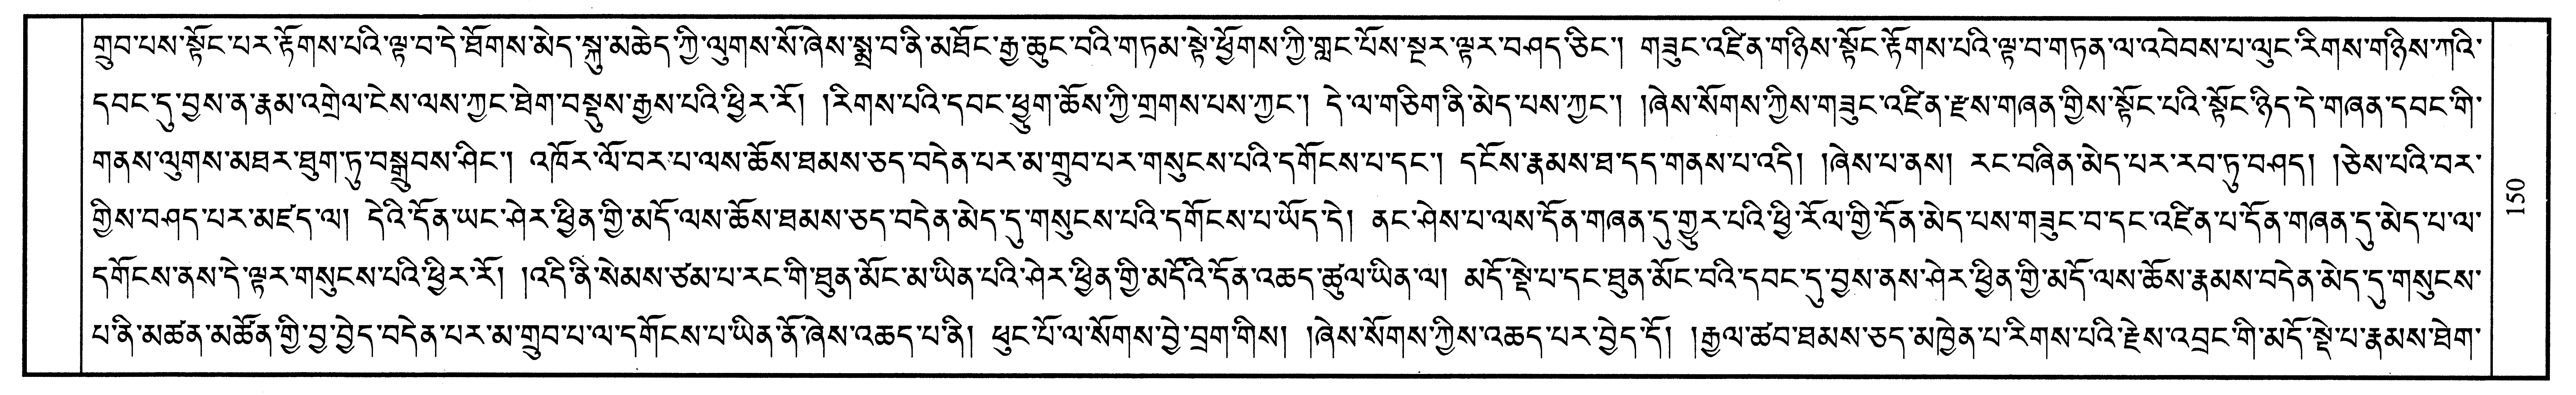གྲུབ་པས་སྟོང་པར་རྟོགས་པའི་ལྟ་བ་དེ་ཐོགས་མེད་སྐུ་མཆེད་ཀྱི་ལུགས་སོ་ཞེས་སྨྲ་བ་ནི་མཐོང་རྒྱ་ཆུང་བའི་གཏམ་སྟེ་ཕྱོགས་ཀྱི་གླང་པོས་སྔར་ལྟར་བཤད་ཅིང་། གཟུང་འཛིན་གཉིས་སྟོང་རྟོགས་པའི་ལྟ་བ་གཏན་ལ་འབེབས་པ་ལུང་རིགས་གཉིས་ཀའི་
དབང་དུ་བྱས་ན་རྣམ་འགྲེལ་ངེས་ལས་ཀྱང་ཐེག་བསྡུས་རྒྱས་པའི་ཕྱིར་རོ། །རིགས་པའི་དབང་ཕྱུག་ཆོས་ཀྱི་གྲགས་པས་ཀྱང་། དེ་ལ་གཅིག་ནི་མེད་པས་ཀྱང་། །ཞེས་སོགས་ཀྱིས་གཟུང་འཛིན་རྫས་གཞན་གྱིས་སྟོང་པའི་སྟོང་ཉིད་དེ་གཞན་དབང་གི་
གནས་ལུགས་མཐར་ཐུག་ཏུ་བསྒྲུབས་ཤིང་། འཁོར་ལོ་བར་པ་ལས་ཆོས་ཐམས་ཅད་བདེན་པར་མ་གྲུབ་པར་གསུངས་པའི་དགོངས་པ་དང་། དངོས་རྣམས་ཐ་དད་གནས་པ་འདི། །ཞེས་པ་ནས། རང་བཞིན་མེད་པར་རབ་ཏུ་བཤད། །ཅེས་པའི་བར་
གྱིས་བཤད་པར་མཛད་ལ། དེའི་དོན་ཡང་ཤེར་ཕྱིན་གྱི་མདོ་ལས་ཆོས་ཐམས་ཅད་བདེན་མེད་དུ་གསུངས་པའི་དགོངས་པ་ཡོད་དེ། ནང་ཤེས་པ་ལས་དོན་གཞན་དུ་གྱུར་པའི་ཕྱི་རོལ་གྱི་དོན་མེད་པས་གཟུང་བ་དང་འཛིན་པ་དོན་གཞན་དུ་མེད་པ་ལ་
དགོངས་ནས་དེ་ལྟར་གསུངས་པའི་ཕྱིར་རོ། །འདི་ནི་སེམས་ཙམ་པ་རང་གི་ཐུན་མོང་མ་ཡིན་པའི་ཤེར་ཕྱིན་གྱི་མདོའི་དོན་འཆད་ཚུལ་ཡིན་ལ། མདོ་སྡེ་པ་དང་ཐུན་མོང་བའི་དབང་དུ་བྱས་ནས་ཤེར་ཕྱིན་གྱི་མདོ་ལས་ཆོས་རྣམས་བདེན་མེད་དུ་གསུངས་
པ་ནི་མཚན་མཚོན་གྱི་བྱ་བྱེད་བདེན་པར་མ་གྲུབ་པ་ལ་དགོངས་པ་ཡིན་ནོ་ཞེས་འཆད་པ་ནི། ཕུང་པོ་ལ་སོགས་བྱེ་བྲག་གིས། །ཞེས་སོགས་ཀྱིས་འཆད་པར་བྱེད་དོ། །རྒྱལ་ཚབ་ཐམས་ཅད་མཁྱེན་པ་རིགས་པའི་རྗེས་འབྲང་གི་མདོ་སྡེ་པ་རྣམས་ཐེག་